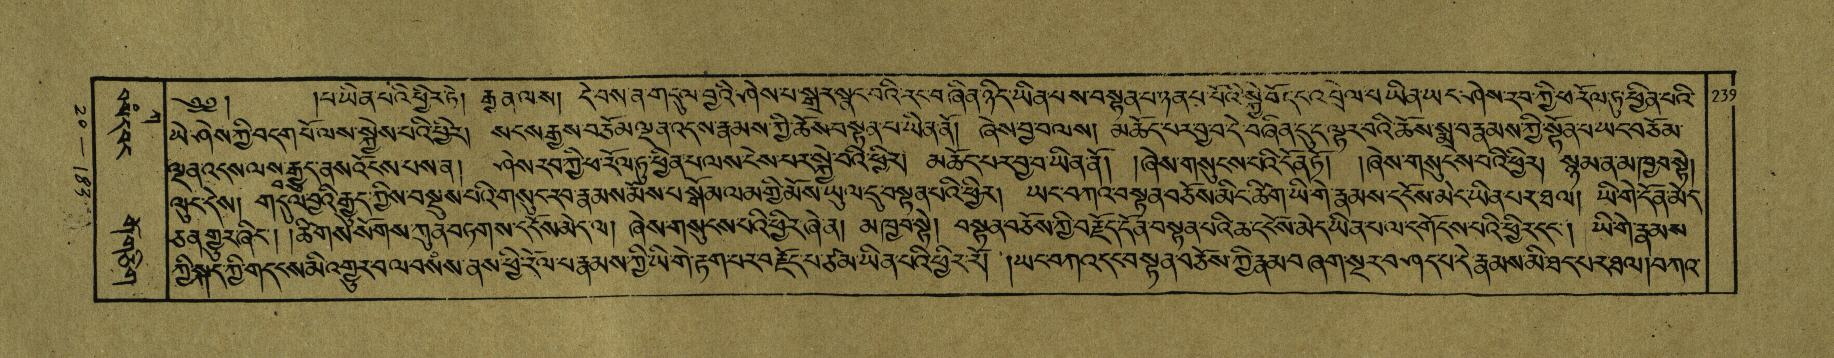༄༅། །པ་ཡིན་པའི་ཕྱིར་ཏེ། རྒྱན་ལས། དེ་བས་ན་གདུལ་བྱའི་ཤེས་པ་སྒྲར་སྣང་བའི་རང་བཞིན་ཉིད་ཡིན་པས་བསྟན་པ་ཉན་པ་པོའི་སྐྱེ་བོ་དང་འབྲེལ་པ་ཡིན་ཡང་ཤེས་རབ་ཀྱི་ཕ་རོལ་ཏུ་ཕྱིན་པའི་
ཡེ་ཤེས་ཀྱི་བདག་པོ་ལས་སྐྱེས་པའི་ཕྱིར། སངས་རྒྱས་བཅོམ་ལྡན་འདས་རྣམས་ཀྱི་ཆོས་བསྟན་པ་ཡིན་ནོ། ཞེས་བྱ་བ་ལས། མཆོད་པར་བྱ་བ་དེ་བཞིན་དུ་ད་ལྟར་བའི་ཆོས་སྨྲ་བ་རྣམས་ཀྱི་སྟོན་པ་ཡང་བཅོམ་
ལྡན་འདས་ལས་བརྒྱུད་ནས་འོངས་པས་ན། ཤེས་རབ་ཀྱི་ཕ་རོལ་ཏུ་ཕྱིན་པ་ལས་ངེས་པར་སྐྱེ་བའི་ཕྱིར། མཆོད་པར་བྱ་བ་ཡིན་ནོ། །ཞེས་གསུངས་པའི་དོན་ཏོ། །ཞེས་གསུངས་པའི་ཕྱིར། སྙམ་ན་མ་ཁྱབ་སྟེ།
ལུང་དེས། གདུལ་བྱའི་རྒྱུད་ཀྱིས་བསྡུས་པའི་གསུང་རབ་རྣམས་མོས་པ་སྒོམ་ལམ་གྱི་མོས་ཡུལ་དུ་བསྟན་པའི་ཕྱིར། ཡང་བཀའ་བསྟན་བཅོས་མིང་ཚིག་ཡི་གེ་རྣམས་དངོས་མེད་ཡིན་པར་ཐལ། ཡི་གེ་དོན་མེད་
ཅན་གྱུར་ཞིང་། །ཚིགས་སོགས་ཀུན་བཏགས་དངོས་མེད་ལ། ཞེས་གསུངས་པའི་ཕྱིར་ཞེ་ན། མ་ཁྱབ་སྟེ། བསྟན་བཅོས་ཀྱི་བརྗོད་དོན་བསྟན་པའི་ཆ་དངོས་མེད་ཡིན་པ་ལ་དགོངས་པའི་ཕྱིར་དང་། ཡི་གེ་རྣམས་
ཀྱི་སྐད་ཀྱི་གདངས་མི་འགྱུར་བ་ལ་བསཾས་ནས་ཕྱི་རོལ་པ་རྣམས་ཀྱི་ཡེ་གེ་རྟག་པར་བརྗོད་པ་ཙམ་ཡིན་པའི་ཕྱིར་རོ། །ཡང་བཀའ་དང་བསྟན་བཅོས་ཀྱི་རྣམ་བཞག་སྔར་བཤད་པ་དེ་རྣམས་མི་ཐད་པར་ཐལ། བཀའ་